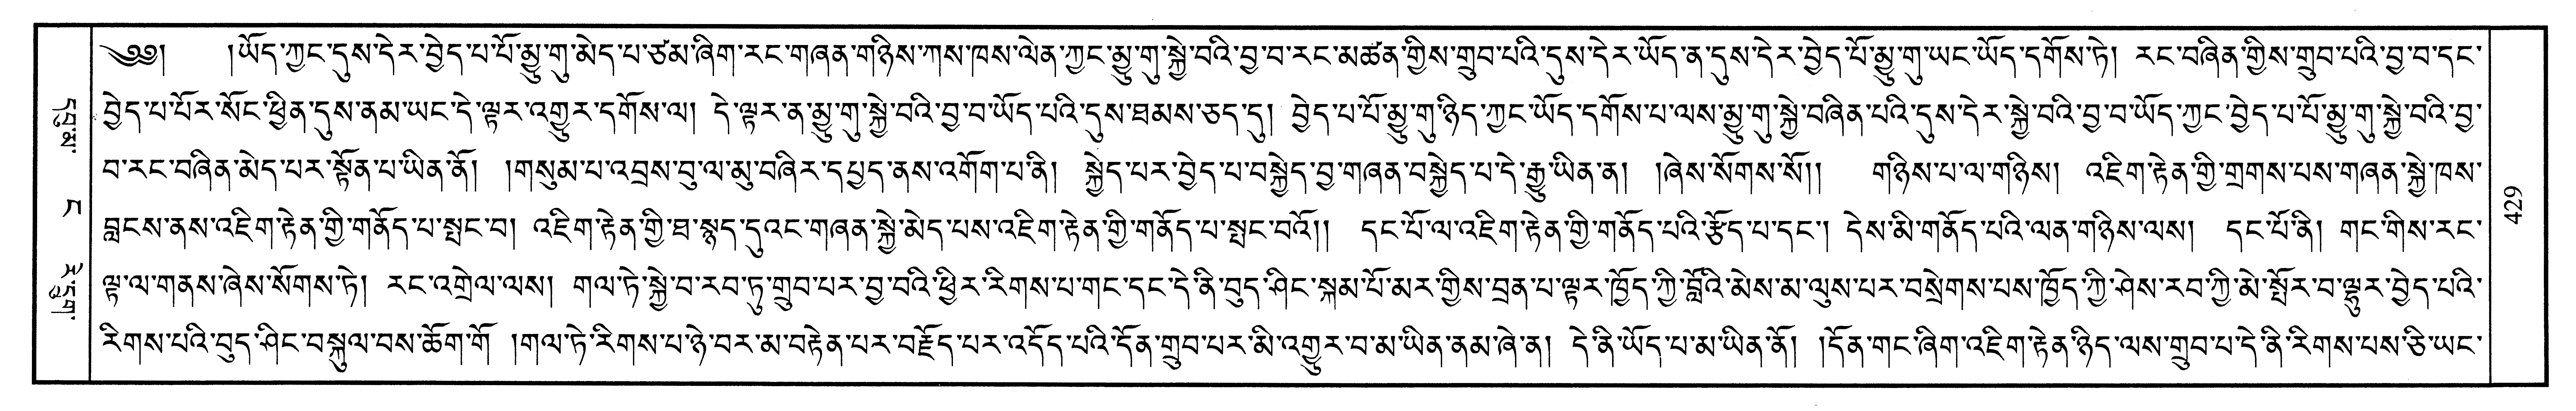༄༅། །ཡོད་ཀྱང་དུས་དེར་བྱེད་པ་པོ་མྱུ་གུ་མེད་པ་ཙམ་ཞིག་རང་གཞན་གཉིས་ཀས་ཁས་ལེན་ཀྱང་མྱུ་གུ་སྐྱེ་བའི་བྱ་བ་རང་མཚན་གྱིས་གྲུབ་པའི་དུས་དེར་ཡོད་ན་དུས་དེར་བྱེད་པོ་མྱུ་གུ་ཡང་ཡོད་དགོས་ཏེ། རང་བཞིན་གྱིས་གྲུབ་པའི་བྱ་བ་དང་
བྱེད་པ་པོར་སོང་ཕྱིན་དུས་ནམ་ཡང་དེ་ལྟར་འགྱུར་དགོས་ལ། དེ་ལྟར་ན་མྱུ་གུ་སྐྱེ་བའི་བྱ་བ་ཡོད་པའི་དུས་ཐམས་ཅད་དུ། བྱེད་པ་པོ་མྱུ་གུ་ཉིད་ཀྱང་ཡོད་དགོས་པ་ལས་མྱུ་གུ་སྐྱེ་བཞིན་པའི་དུས་དེར་སྐྱེ་བའི་བྱ་བ་ཡོད་ཀྱང་བྱེད་པ་པོ་མྱུ་གུ་སྐྱེ་བའི་བྱ་
བ་རང་བཞིན་མེད་པར་སྟོན་པ་ཡིན་ནོ། །གསུམ་པ་འབྲས་བུ་ལ་མུ་བཞིར་དཔྱད་ནས་འགོག་པ་ནི། སྐྱེད་པར་བྱེད་པ་བསྐྱེད་བྱ་གཞན་བསྐྱེད་པ་དེ་རྒྱུ་ཡིན་ན། །ཞེས་སོགས་སོ།། གཉིས་པ་ལ་གཉིས། འཇིག་རྟེན་གྱི་གྲགས་པས་གཞན་སྐྱེ་ཁས་
བླངས་ནས་འཇིག་རྟེན་གྱི་གནོད་པ་སྤང་བ། འཇིག་རྟེན་གྱི་ཐ་སྙད་དུའང་གཞན་སྐྱེ་མེད་པས་འཇིག་རྟེན་གྱི་གནོད་པ་སྤང་བའོ།། དང་པོ་ལ་འཇིག་རྟེན་གྱི་གནོད་པའི་རྩོད་པ་དང་། དེས་མི་གནོད་པའི་ལན་གཉིས་ལས། དང་པོ་ནི། གང་གིས་རང་
ལྟ་ལ་གནས་ཞེས་སོགས་ཏེ། རང་འགྲེལ་ལས། གལ་ཏེ་སྐྱེ་བ་རབ་ཏུ་གྲུབ་པར་བྱ་བའི་ཕྱིར་རིགས་པ་གང་དང་དེ་ནི་བུད་ཤིང་སྐམ་པོ་མར་གྱིས་བྲན་པ་ལྟར་ཁྱོད་ཀྱི་བློའི་མེས་མ་ལུས་པར་བསྲེགས་པས་ཁྱོད་ཀྱི་ཤེས་རབ་ཀྱི་མེ་སྤོར་བ་ལྷུར་བྱེད་པའི་
རིགས་པའི་བུད་ཤིང་བསྐུལ་བས་ཆོག་གོ །གལ་ཏེ་རིགས་པ་ཉེ་བར་མ་བརྟེན་པར་བརྗོད་པར་འདོད་པའི་དོན་གྲུབ་པར་མི་འགྱུར་བ་མ་ཡིན་ནམ་ཞེ་ན། དེ་ནི་ཡོད་པ་མ་ཡིན་ནོ། །དོན་གང་ཞིག་འཇིག་རྟེན་ཉིད་ལས་གྲུབ་པ་དེ་ནི་རིགས་པས་ཅི་ཡང་